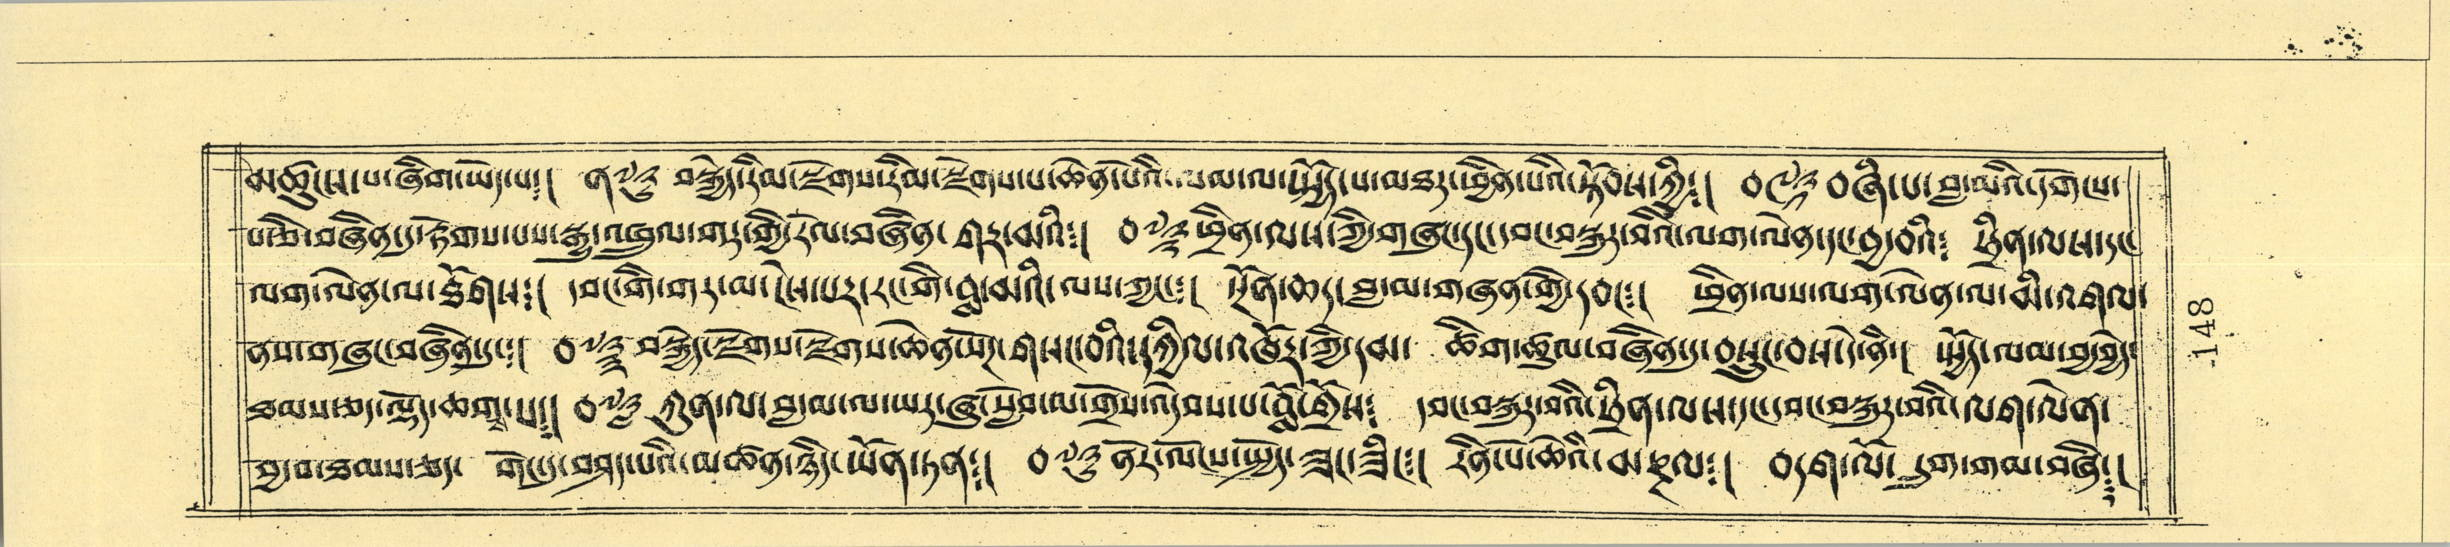༼མཚུངས༽པ་ཞིག་ཡོད་པ་ན༧༢།༦བསྐྱེད་རིམ་རྫོགས་རིམ་རྫོགས་པ་ཆེན་པོའི་ལམ་ལ་༼སྤྱོད་༽པ་མཐར་ཕྱིན་པའི་༼སྟོབས་ཀྱི༽བ༧༢།༡༼བཞི་པ༽བླ་མའི་དགོངས་
པ་ཅི་བཞིན་དུ་རྟོགས་པས་སྒྱུ་འཕྲུལ་གར་གྱི་རོལ་བཞིན་༼གར་མའི༽བ༧༢།༢ཕྲིན་ལས་ཀྱི་གཞུང་དང་དབང་སྐུར་བའི་ལག་ལེན་དང་༼བྱ་བའི༽༼ཕྲིན་ལས༽དང་
ལག་ལེན་ལ་༼ཐོགས༽དབང་གི་གར་ལ་ངེས་པར་རང་གི་༼བླ་མའི༽ལས་ཀྱང་༼སྔོན་ཆད༽བླ་མ་གཞན་གྱི་༼དབང་༽ཕྲིན་ལས་ལག་ལེན་ལ་༼མི་འགལ་
ནས༽ནས་གཞུང་བཞིན་དུ་བ༧༢།༣ བསྐྱེད་རྫོགས་རྫོགས་ཆེན་སོགས་༼གསང་བའི་དཀྱིལ་འཁོར༽གྱི་༼དམ༽ཚིག་ཚུལ་བཞིན་དུ་༼བསྲུང་བས༽དེ་ནི་༼སྤྱོད༽ལམ་བྱ་བྱེད་
ཐམས་ཅད་ལྷོད་ཆགས་པ་བ༧༢།༤༼ཀུན་ལ༽བླ་མ་ལ་ཡར་ཞུ་སློབ་མ་གྲོས་འདེབས་༼བློ་གྲོས༽དབང་བསྐུར་བའི་༼ཕྲིན་ལས༽དང་དབང་བསྐུར་བའི་༼ལག་ལེན་
བྱ་བ་ཐམས་ཅད་གོང་དུ་བཤད་པའི་མཚན་ཉིད་ཡོན་ཏན་༼ཡོན་ཏན༽བ༧༢།༦ནོར་ལོངས་སྤྱོད་༼ཟང་ཟིང་༽རིན་པོ་ཆེའི་༼མཎྜལ༽༼བདག་ལོ༽དྲུག་གམ་བཞི་